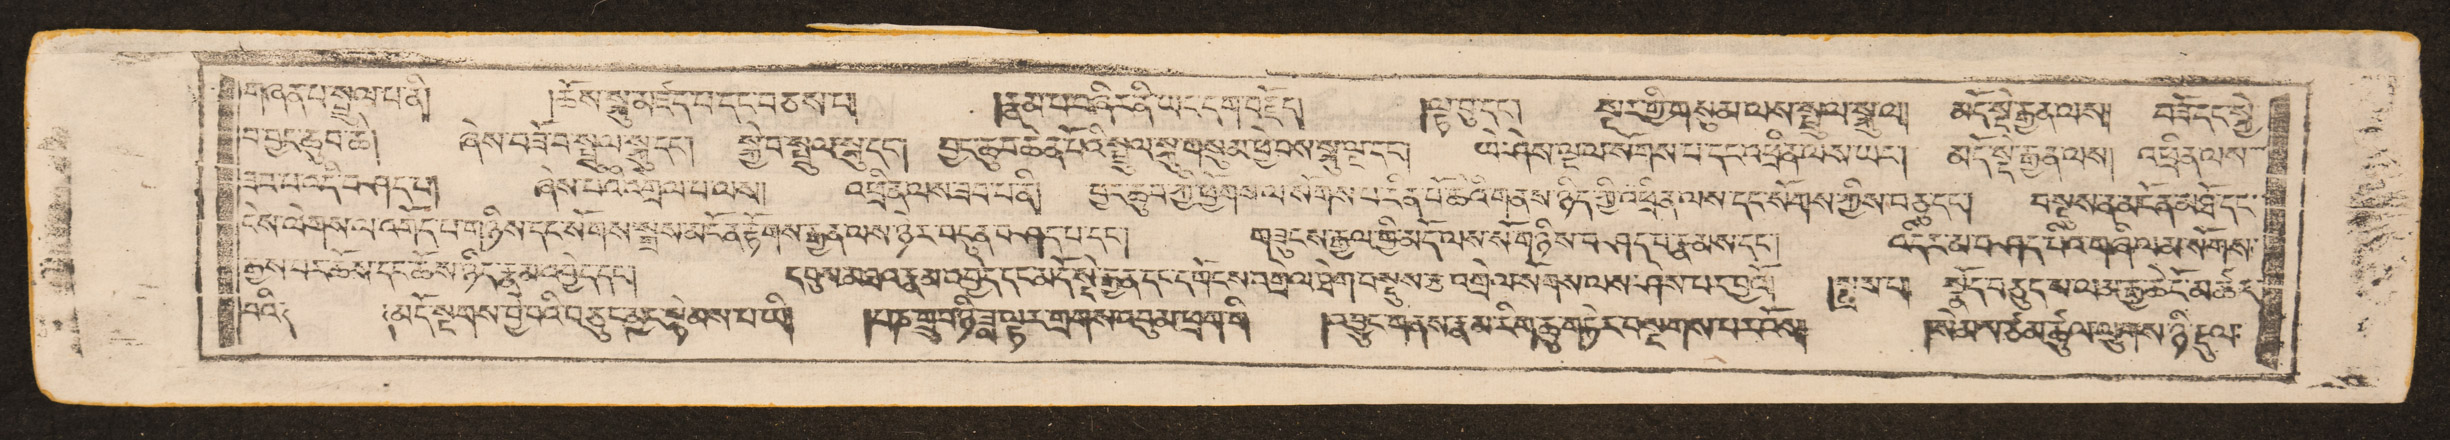གཞན་པ་སྤྲུལ་པ་ནི། །ཆོས་སྐུ་མཛད་པ་དང་བཅས་པ། །རྣམ་པ་བཞིར་ནི་ཡང་དག་བརྗོད། །ལྟ་བུ་དང་། སྔར་གྱི་གསུམ་ལས་སྤྲུལ་སྐུ་ལ། མདོ་སྡེ་རྒྱན་ལས། བཟོ་དང་སྐྱེ་བ་བྱང་ཆུབ་ཆེ།
ཞེས་བཟོ་བ་སྤྲུལ་སྐུ་དང་། སྐྱེ་བ་སྤྲུལ་སྐུ་དང་། བྱང་ཆུབ་ཆེན་པོའི་སྤྲུལ་སྐུ་གསུམ་ཕྱེ་བས་སྐུ་ལྔ་དང་། ཡེ་ཤེས་ལྔ་ལ་སོགས་པ་དང་འཕྲིན་ལས་ཡང་། མདོ་སྡེ་རྒྱན་ལས། འཕྲིན་ལས་
ཟབ་པ་འདི་བཤད་པ། ཞེས་པའི་འགྲེལ་པ་ལས། འཕྲིན་ལས་ཟབ་པ་ནི། བྱང་ཆུབ་ཀྱི་ཕྱོགས་ལ་སོགས་པ་རིན་པོ་ཆེའི་གནས་ཉིད་ཀྱི་འཕྲིན་ལས་དང་སོགས་ཀྱིས་བཅུ་དང་། བསྡུས་ན་མངོན་མཐོ་དང་
ངེས་ལེགས་ལ་འགོད་པ་གཉིས་དང་སོགས་སྒྲས་མངོན་རྟོགས་རྒྱན་ལས་ཉེར་བདུན་བཤད་པ་དང་། གཟུངས་རྒྱལ་གྱི་མདོ་ལས་སོ་གཉིས་བཤད་པ་རྣམས་དང་། འདིར་མ་བཤད་པའི་གཞི་ལམ་སོགས་རྒྱས་
པར་ཆོས་དང་ཆོས་ཉིད་རྣམ་འབྱེད་དང་། དབུས་མཐའ་རྣམ་འབྱེད་དང་མདོ་སྡེ་རྒྱན་དང་དགོངས་འགྲེལ་ཐེག་བསྡུས་རྩ་འགྲེལ་སོགས་ལས་ཤེས་པར་བྱའོ། །སྨྲས་པ། སྣོད་བཅུད་ས་ལམ་རྒྱ་ཆེ་ངོ་མཚར་
པའི༑ ༑མདོ་སྔགས་བྱེ་བའི་བཅུད་མྱང་སྙེམས་པ་ཡི། །པཎ་གྲུབ་ཉི་ཟླ་ལྟར་གྲགས་འབུམ་ཕྲག་གི །འབྱུང་གནས་རྣམ་རིག་ཆུ་གཏེར་བསྔགས་པར་འོས། །སེམས་ཙམ་ཚུལ་ལུགས་ཉི་རྡུལ་